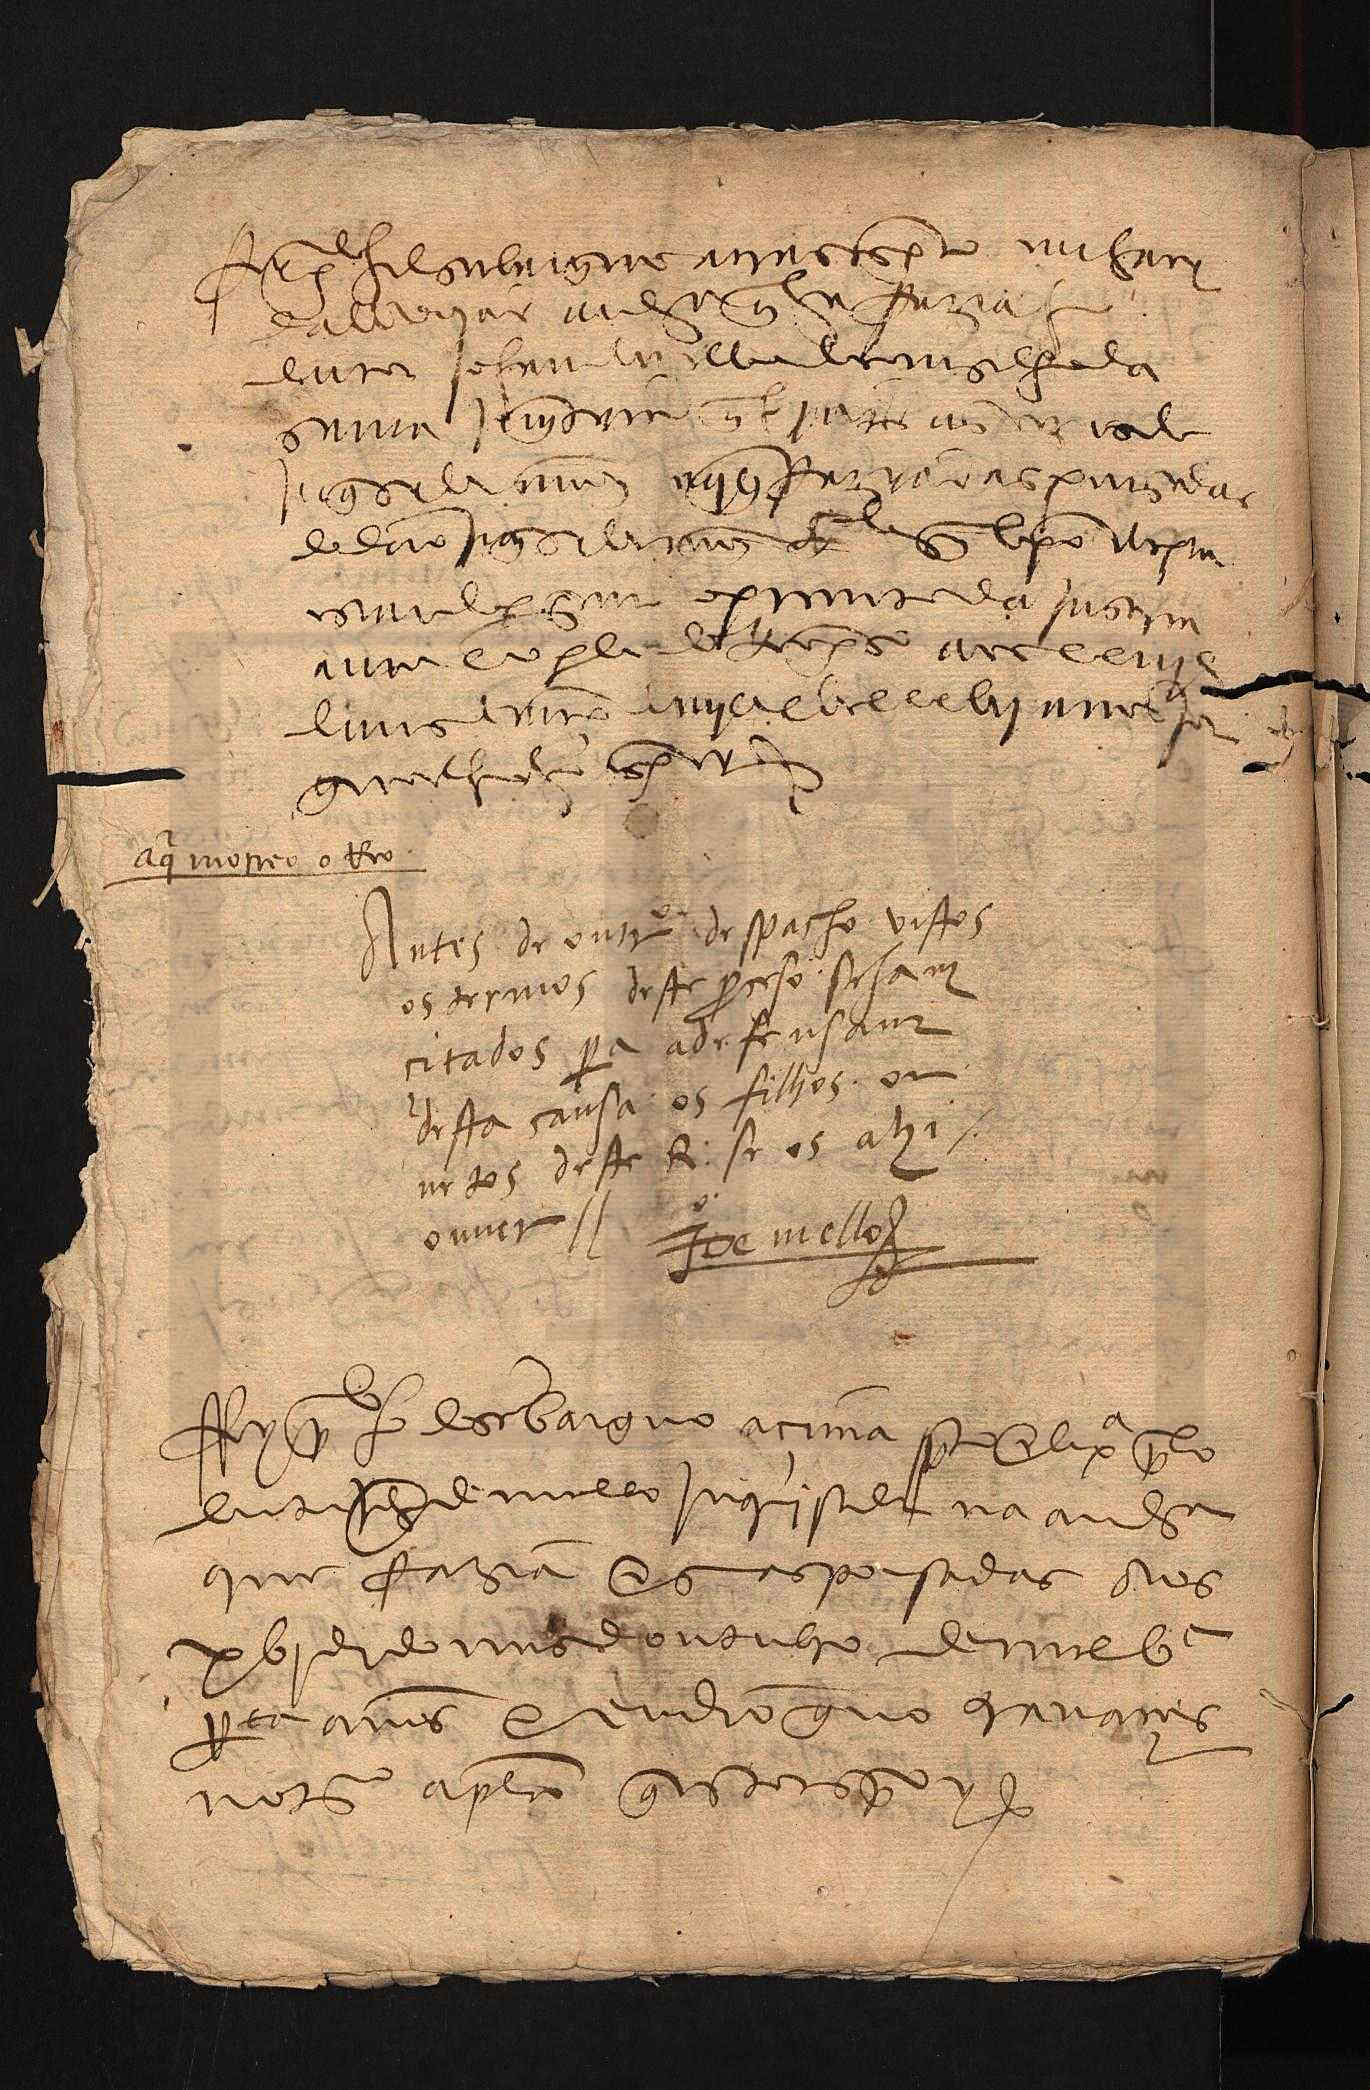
foy pdo ho desenbarguo atras esp̄to em ha cy
dade devora ē audja q̄ hi fazia ho
doutor Joham de mello do comselho da
santa Jmq̄syçā q̄ hora tē as vezes de
Jnq̄sydor moor a q̄ll fazya ē as pousadas
do dito Jnq̄sydor mor o Rdo s̄or bpō de cepta
estando ꝑsente o promotor da Justyça
autor e o ꝑdor do Reo p̄so aos xxiij dj
do mes de m̄ço de mjll e bc xxxbij anos Jor
ge coelho ho esp̄vy
aqi morreo o Reo
Antes de outro despacho vistos
os termos deste ꝓceso seJam
citados ꝑa a defensam
desta causa os filhos ou
netos deste R. se os ahi
ouuer //
Jo de mello
ffoy p̄do ho desēbarguo acima sp̄to ē lixa p̄lo
doutor Johā de mello Jnqujsidor na audja
que fazia ē suas pousadas Aos
xbj di do mes doutubro de mil bc
Rta anos e eu dioguo trauaços
notro ap̄lco q̄ esto esp̄vy
